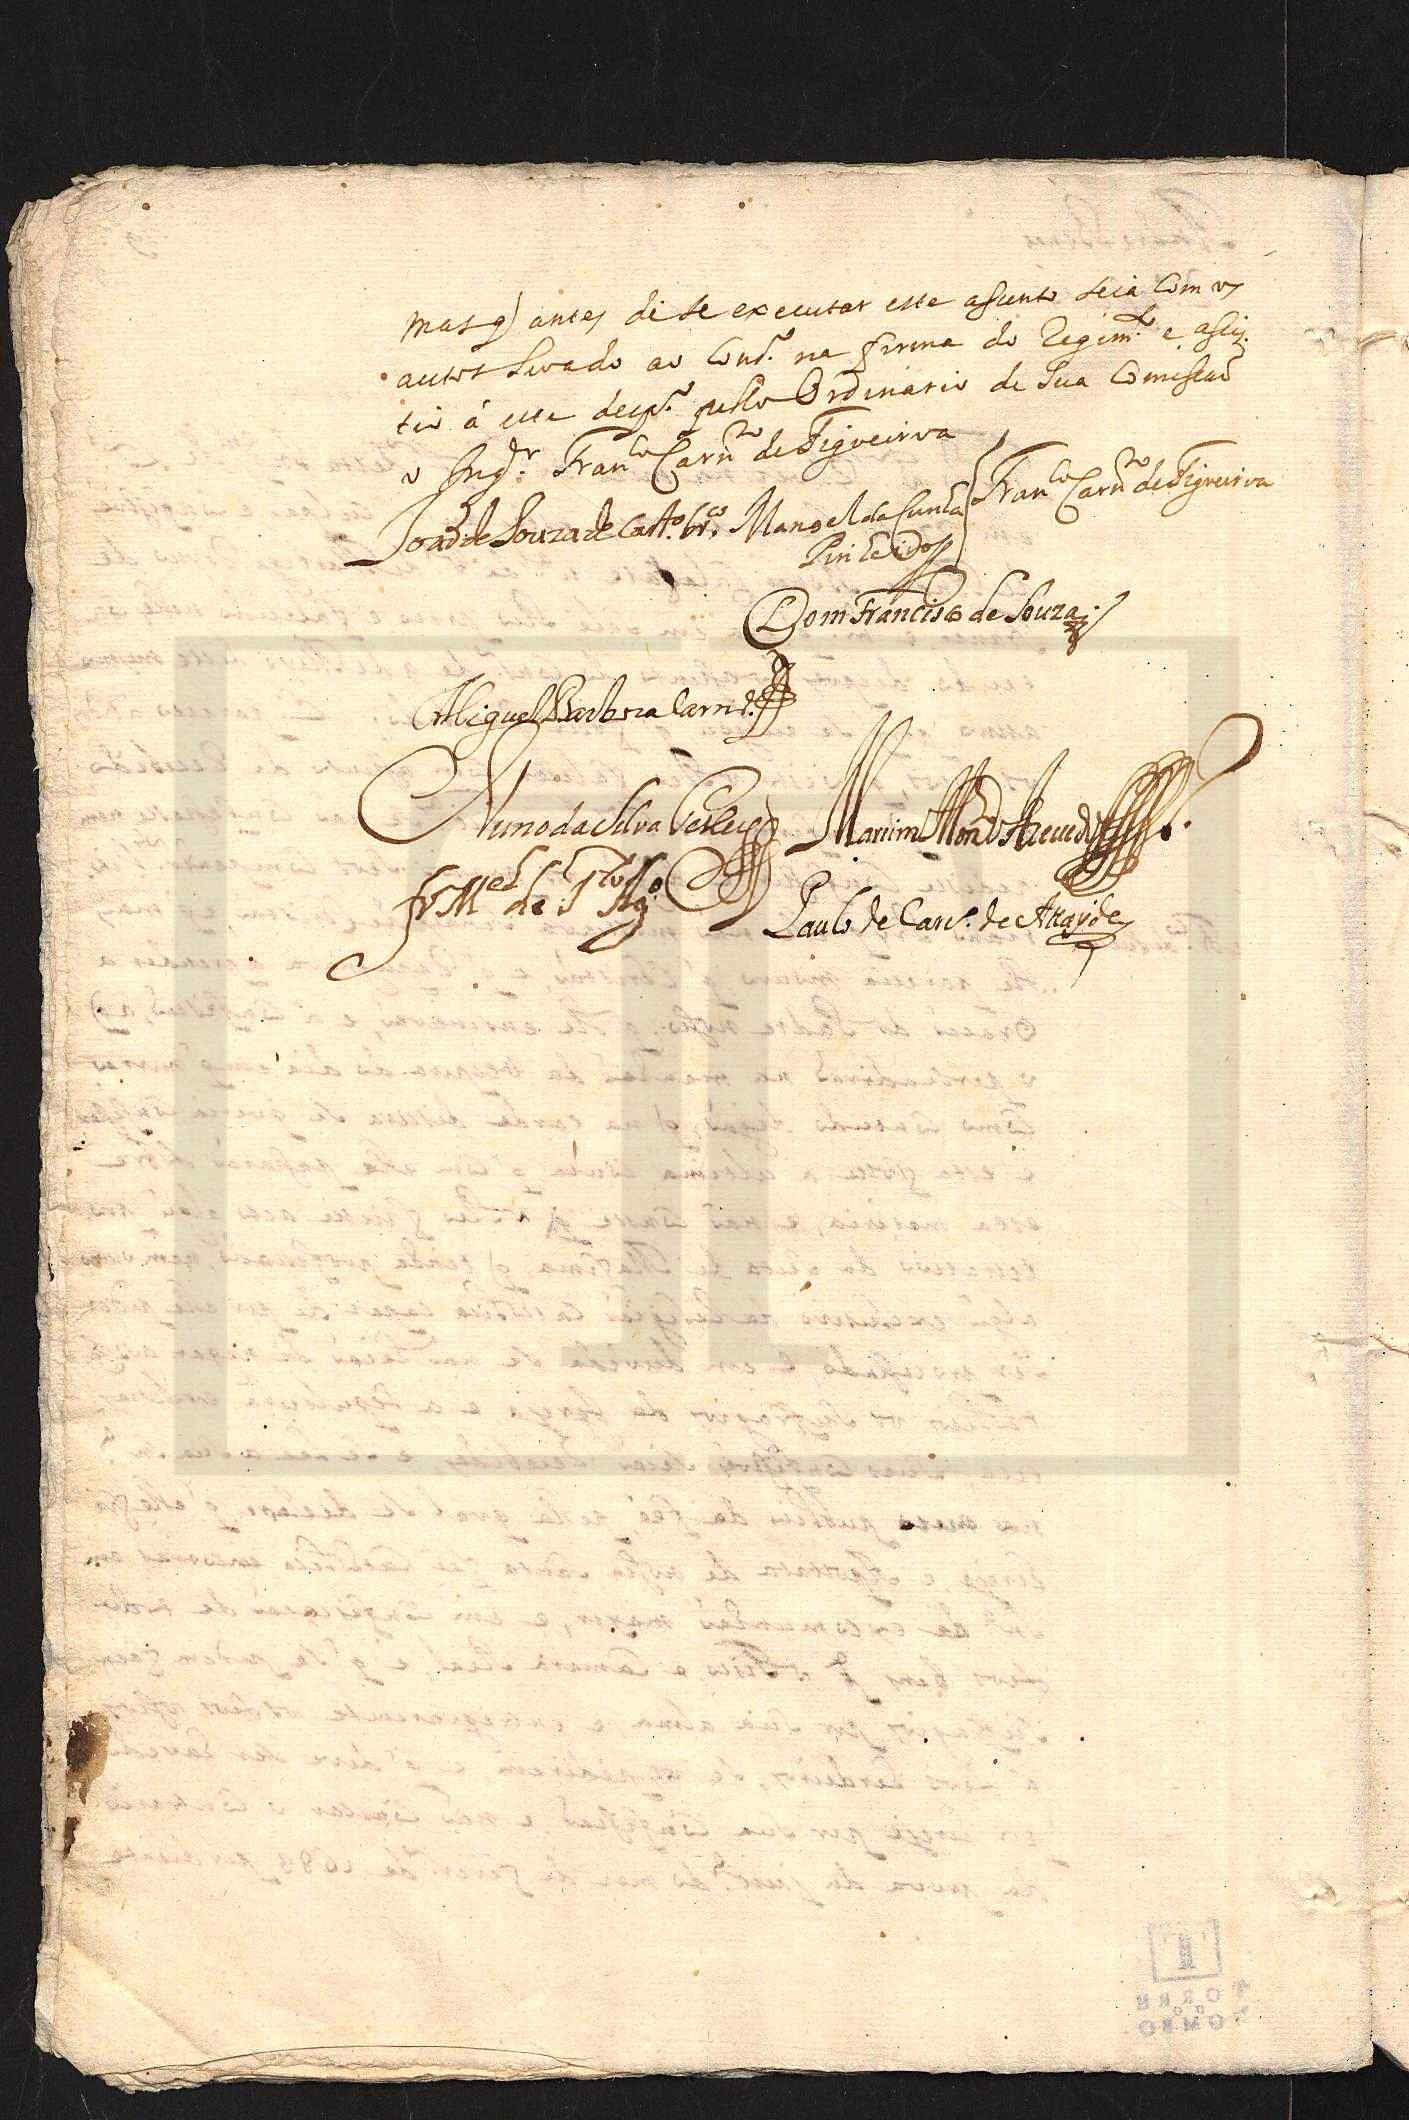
mas q̄ antes de se executar este assento seia com os
autos Levado ao Cons.o na forma do Regim.to e assis
tio á este desp.o pello Ordinario de sua comissaõ
o Inq.or Franco Carnro de Figueiroa
Joaõ de Souza de Cast.o br.co
Manoel da Cunha
Pinheiro
Fran.co Carn.ro de Figueiroa
Dom Francisco de Souza
Miguel Barboza Carnro
Nuno da Silva Telles
Martim Montro Azeuedo
fr Mel de sto Ag.o
Paulo de Carv.o de Atayde
